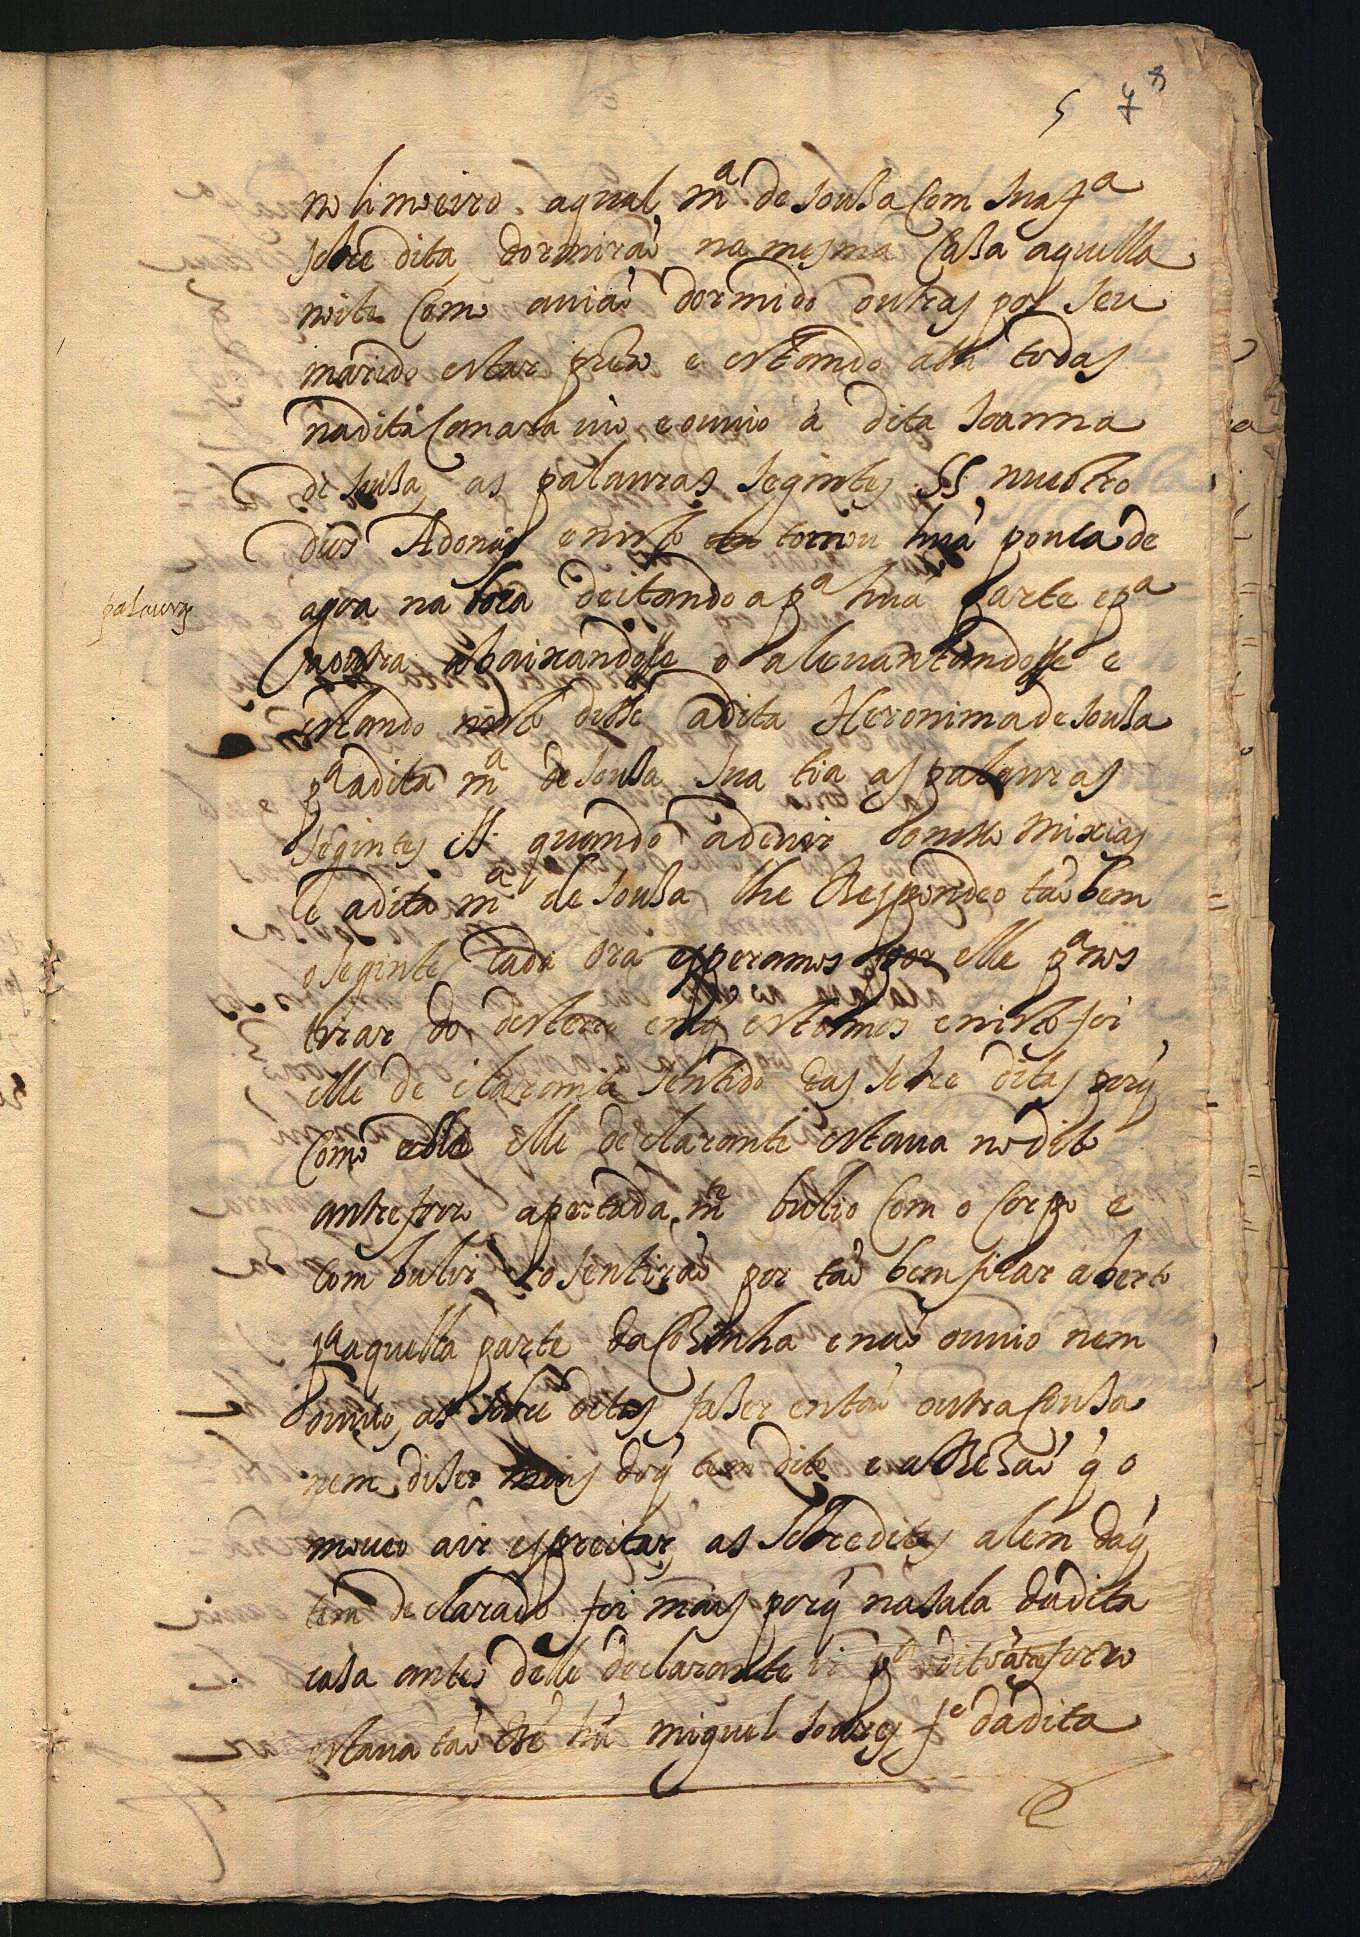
no limoeiro a qual ma de Souza Com sua fa
sobredita, dormiraõ na mesma Caza aquella
noite Como auiaõ dormido outras por seu
marido estar prezo e estamdo assi todas
na dita Camara uio e ouuio a dita Ioanna
de souza, as palauras segintes .SS. nuestro
dios Adonaj e nisto em tomou huā pouca de
palauras
agoa na boca deitando a pa huā parte e pa
a outra abaixandosse e aleuantandosse e
estando nisto disse a dita Heronima de Souza
pa a dita ma de souza Sua tia as palauras
segintes .SS. quando a de uir o nosso mixias
e a dita ma de Souza lhe Respondeo taõbem
o seguinte cada ora esperamos por elle p.a nos
tirar do desterro em q̄ estamos e nisto foi
elle declarante sentido das sobreditas porq̄
Como elle elle declarante estaua no dito
antreforro apertadamte bulio Com o Corpo e
com bulir o sentirão por taõbem ficar aberto
pa aquella parte da Cozinha e não ouuio nem
ouuio, as sobre ditas fazer entaõ outra Couza
nem dizer mais do q̄ tem dito e a Rezaõ q̄ o
moueo a ir espreitar, as sobreditas alem da q̄
tem declarado foi mais porq̄ na sala da dita
caza antes delle declarante ir pa o dito ātreforro
estaua taõBē hū miguel soares fo da dita
